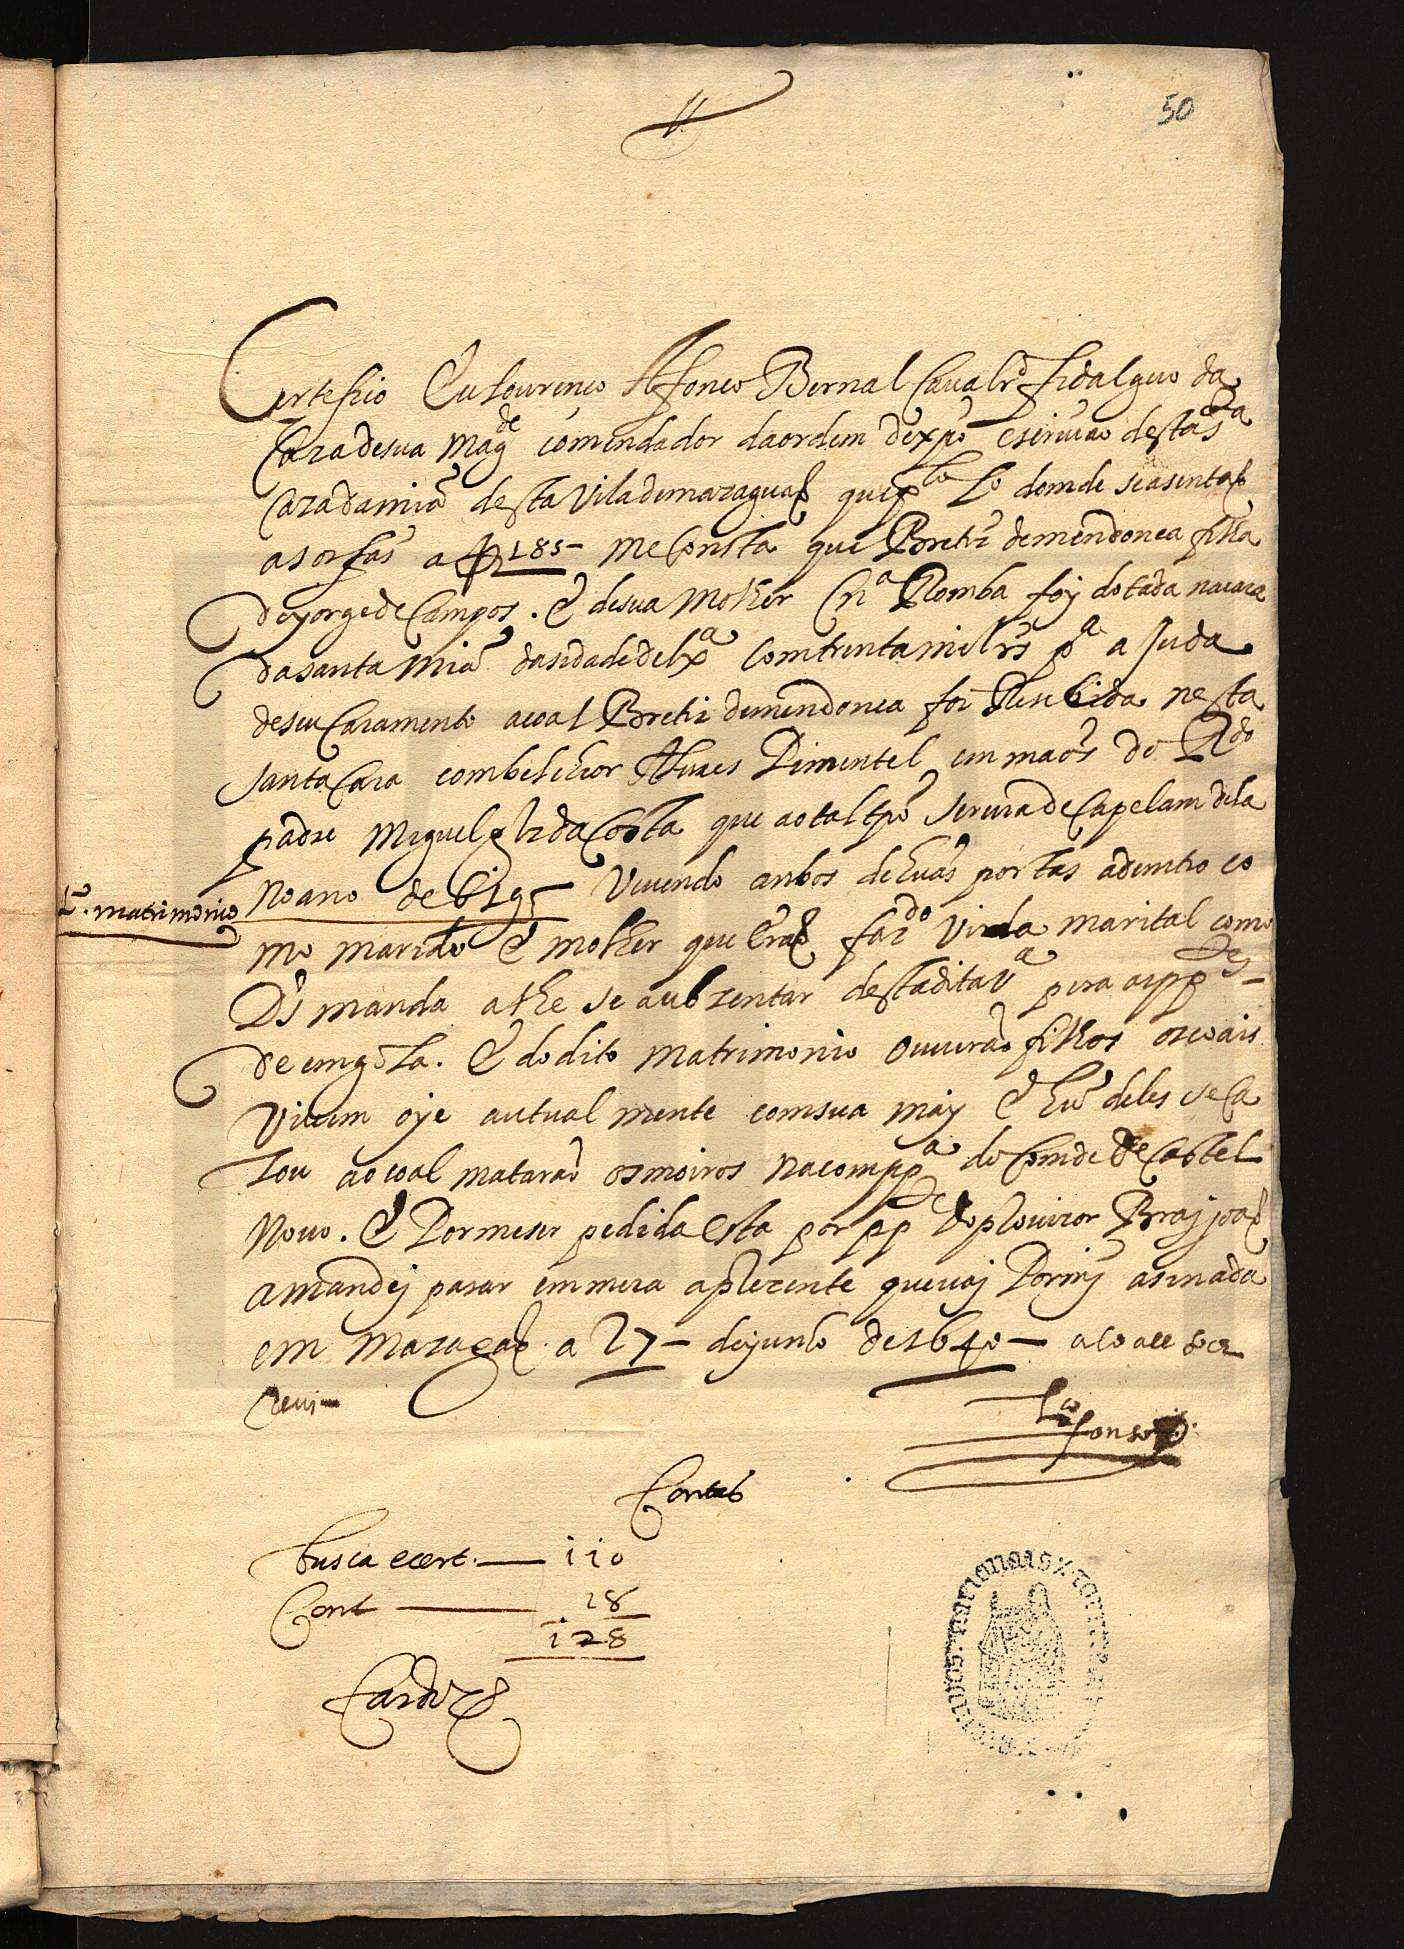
Certefico eu lourenço Afonso Bernal Caualro fidalguo da
Caza de sua magde comendador da ordem de xpō escriuão desta sta
Caza da miā desta Vila de mazaguaõ que plo Lo domde se asentaõ
as orfas̄ a fl 185 me Consta que Bretiz̄ de mendonça filha
de yorge de Campos. E de sua molher Cna Romba foy dotada na caza
da santa miā da sidade de lxa com trinta mil rs̄ pa aJuda
de seu Cazamento a coal Bretiz de mendonça foi Resebida nesta
Santa Caza com belchior Alures Pimentel em maõs do Rdo
padre Miguel Glz da Costa que ao tal tpō seruia de Capelam dela
1o. matrimonio
no ano de 6i9 - Viuendo anbos de huas̄ portas ademtro co
mo marido e molher que eraõ fazdo vida marital como
Ds̄ manda athe se aubzentar desta dita va pera as pptes
de emgola. E do dito matrimonio ouuerão filhos os coais
Viuem oye autualmente com sua may e hū deles se Ca
Zou ao coal mataraõ os moiros na comppa do Comde de Castel
nouo. E Por me ser pedida esta por ppte do pRouizor Bras joaõ
a mandej pasar em meza a pRezente que uaj Por mj̄ asinada
em Mazagaõ a 27 - de junho de 1640 - a coall soes
Creui -
Lco fonso
Contas
busca e cert. – ii0
18
Cont
128
Cardozo
